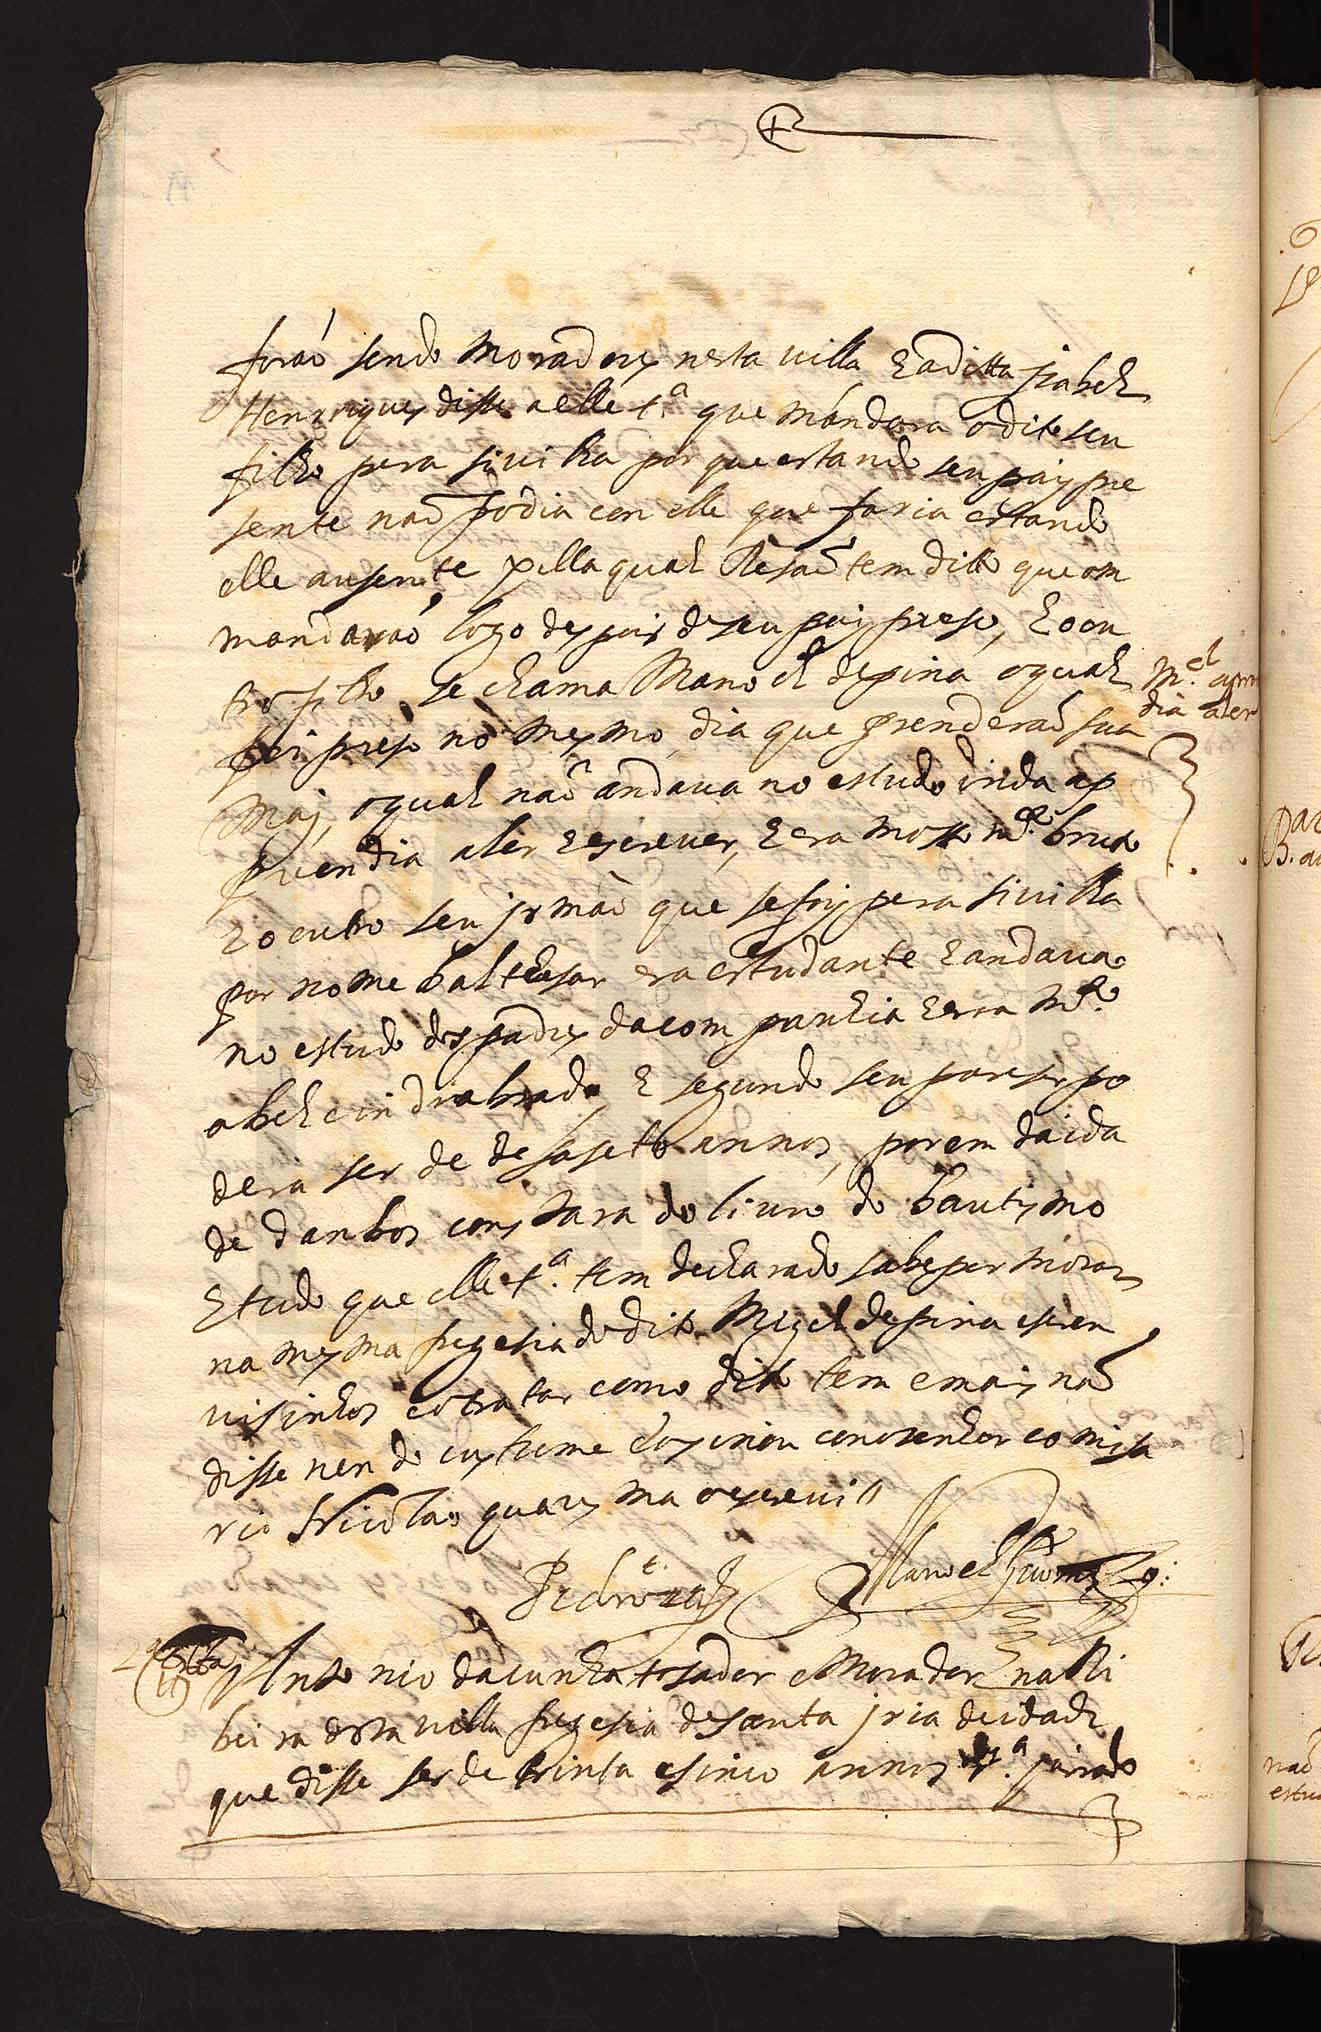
forão sendo moradores nesta uilla, E a ditta JzabeL
Herriques disse a elle t.a que mandara o dito seu
filho pera siuilha porque estando seu pay pre
sente naõ podia con elle que faria estando
elle ausente pella qual Resaõ tem ditto que om
mandaraõ logo despois de seu pay preso, E o ou
tro filho se chama Manoel de pina o quaL
foi preso no mesmo dia que prenderão sua
Maj, o qual naõ andaua no estudo inda ap
preendia a ler E escreuer, E era mosso m.to bruto
E o outro seu jrmão que se foy pera siuilha
por nome balthesar era estudante E andaua
no estudo dos padres da companhia E era mto.
abel e indiabrado E segundo seu pareser po
dera ser de desaseto annos, porem da ida
de danbos constara do liuro do bautismo
E tudo que elle ta. tem declarado sabe por morar
na mesma fregesia do dito Migel de pina e serem
uisinhos e o tratar como dito tem e mais naõ
disse nen do custume e asinou con o senhor comisa
rio Nicolao quaresma o escreui //
item Antonio da cunha tosador e morador na Ri
beira desta uilla fregesia de santa jria de idade
que disse ser de trinta e sinco annos t.a jurado
